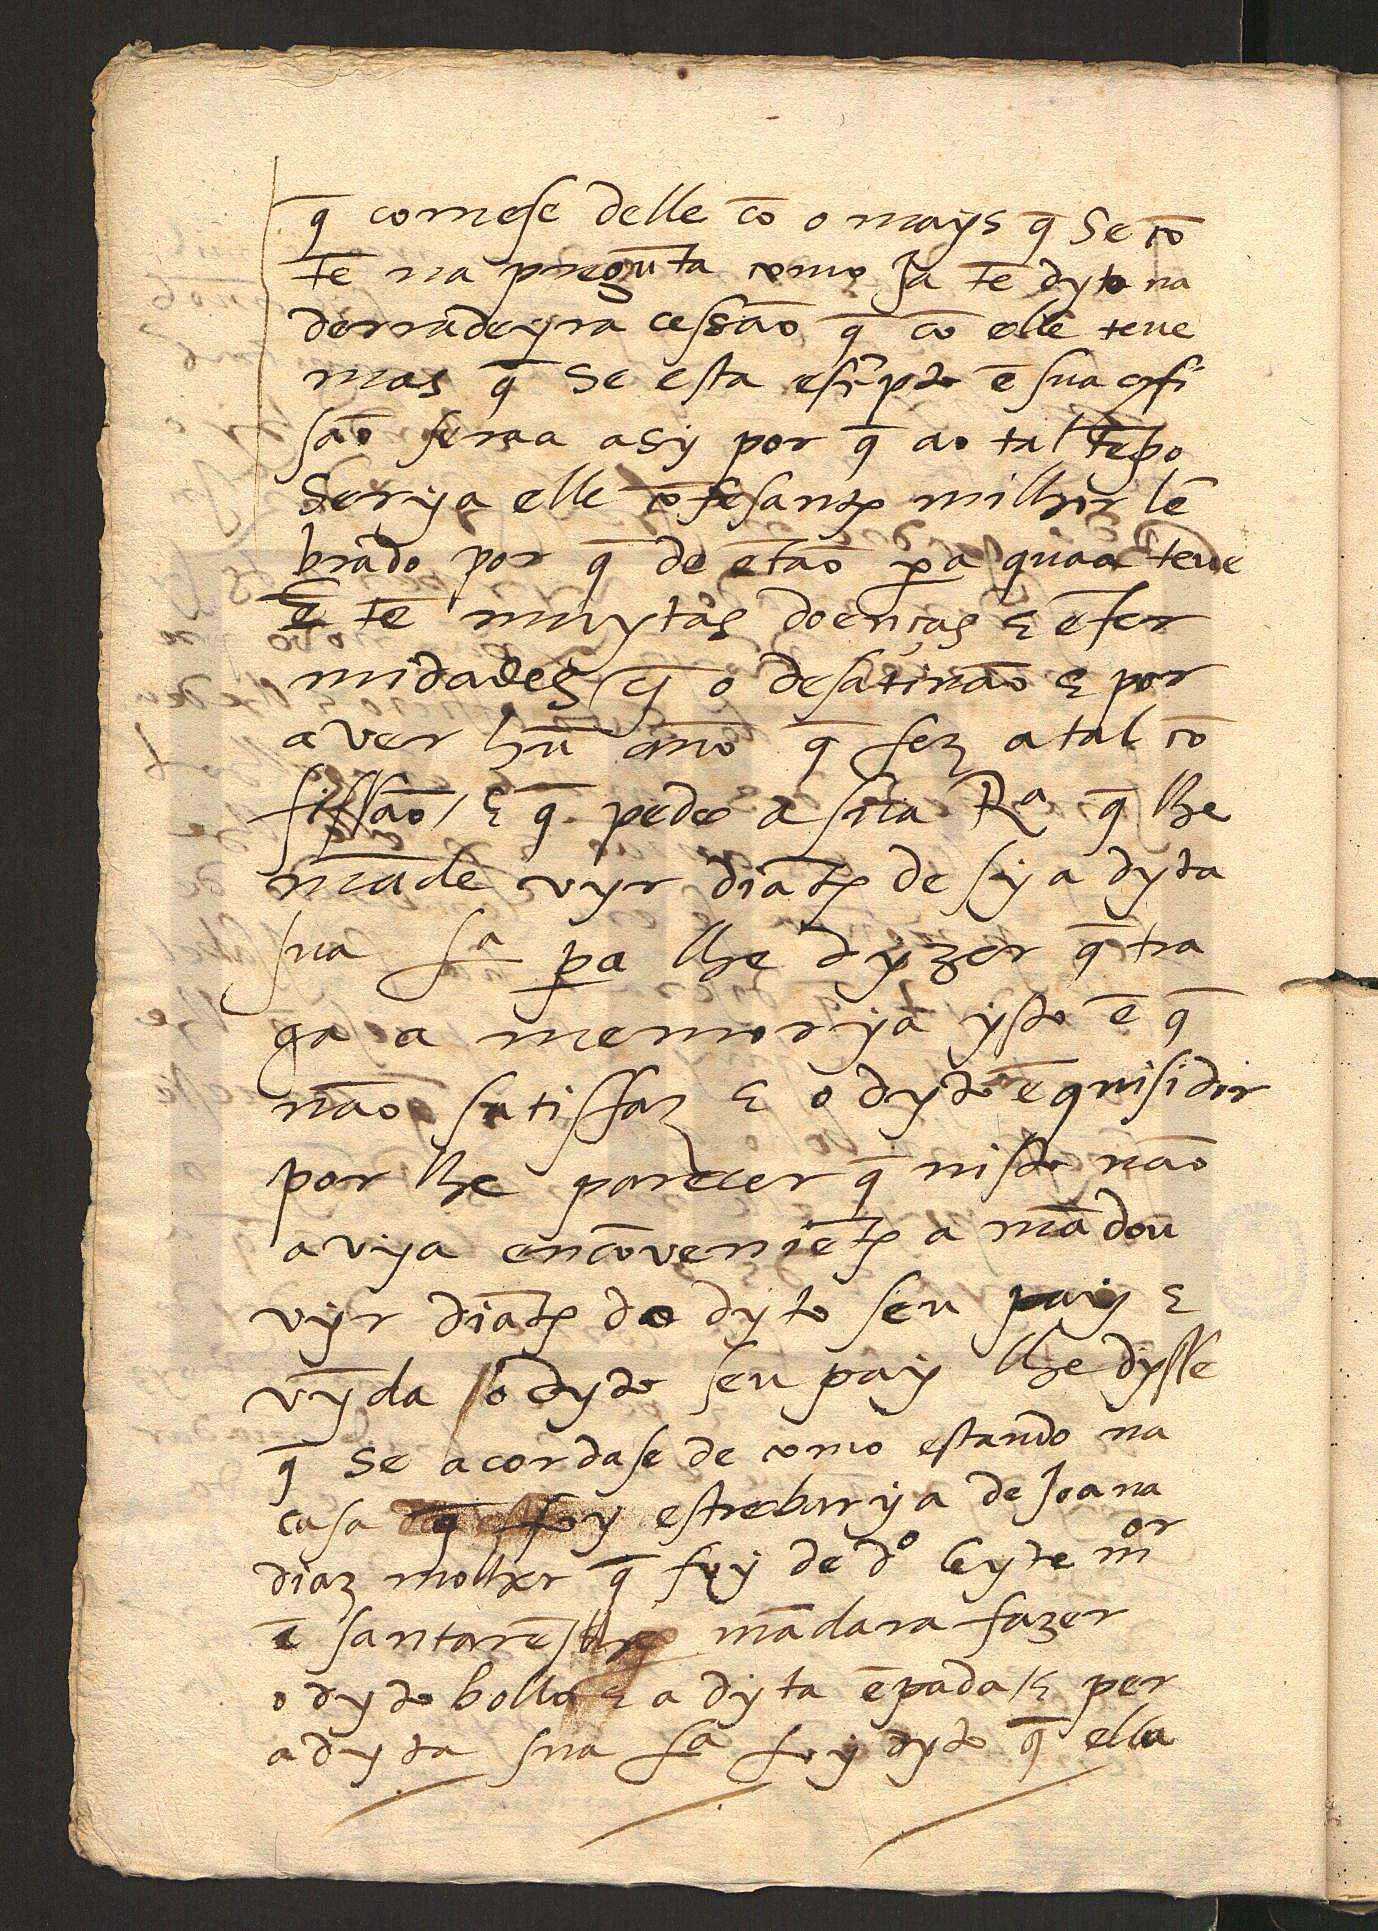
q̄ comese delle c̄o o mays q̄ Se c̄o
t̄e na preḡuta como Ja t̄e dyto na
derradeyra cessão q̄ c̄o elle teue
mas q̄ Se esta esc̄pto ē sua ꝯfi
são seraa asy por q̄ ao tal t̄epo
Serya elle cōfesante milhor lē
brado por q̄ de ētão ꝑa quaa teue
e t̄e muytas doenças E ēfer
midades q̄ o desatinão E por
a ver hū an̄o q̄ fez a tal c̄o
fissão / E q̄ pede a sua Ra q̄ lhe
māde vyr diātꝭ de sy a dyta
sua fa ꝑa lhe dyzer q̄ tra
ga a memorya ysto ē q̄
não satisfaz E o dyto ēquisidor
por lhe parecer q̄ nisto não
avya encōveniētꝭ a mādou
vyr diātꝭ do dyto seu pay E
vȳda o dyto seu pay lhe dysse
q̄ se acordase de como estando na
casa q̄ foy estrebarrya de Joana
diaz molher q̄ foy de do leyte mor
ē santarē / lhe mādara fazer
o dyto bollo E a dyta ēpada / E per
a dyta sua fa foy dyto q̄ ella
